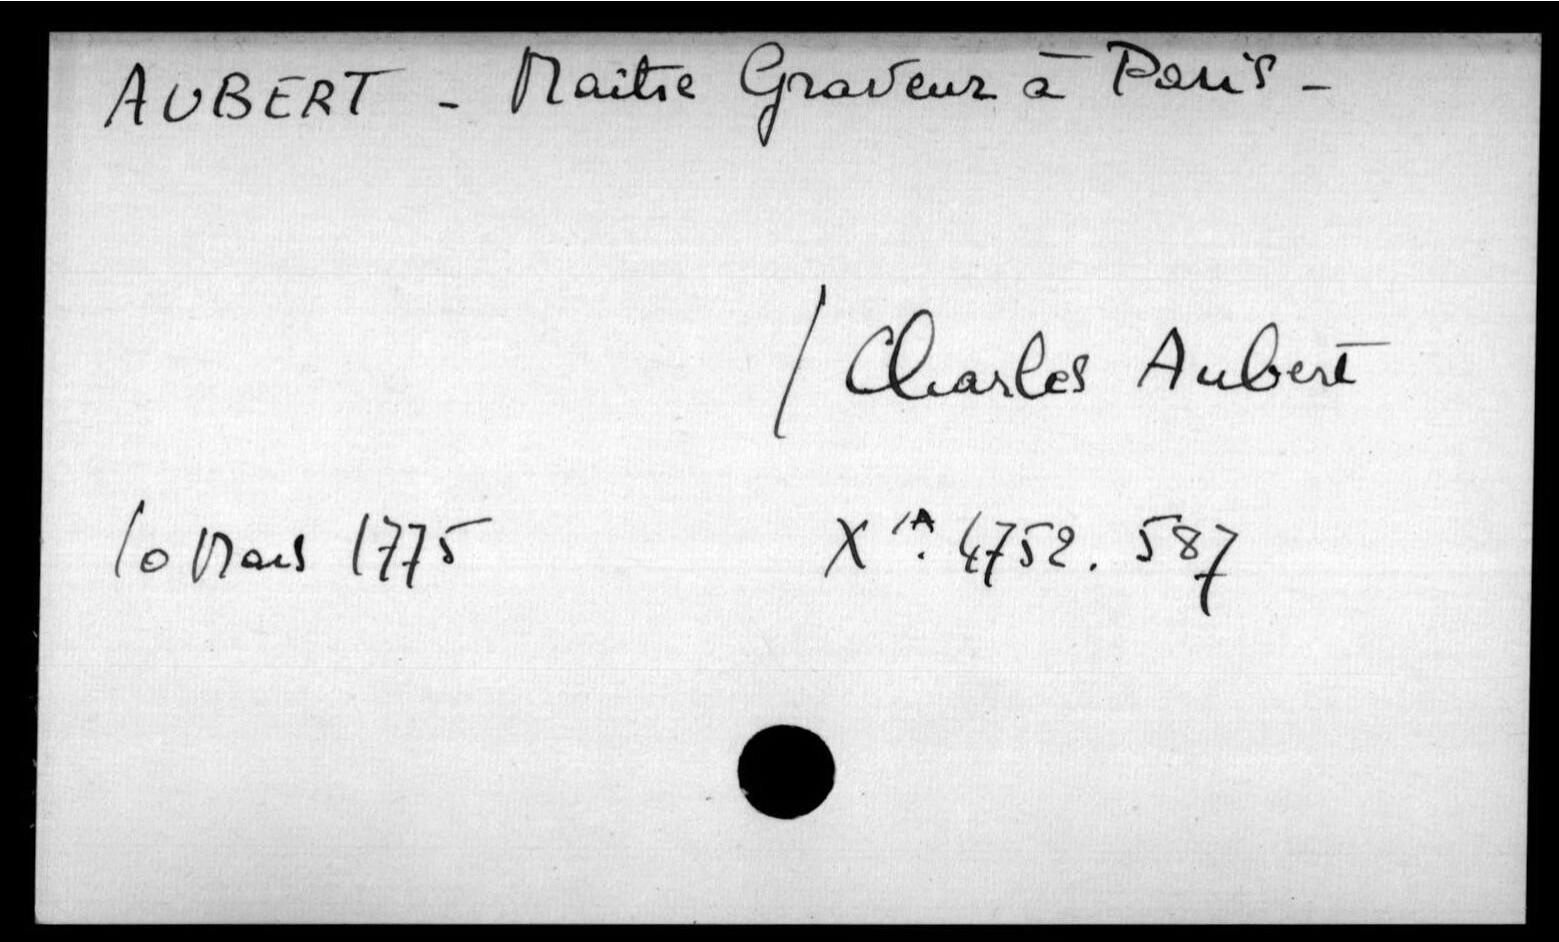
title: AUBERT - Maître Graveur à Paris.
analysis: Contre Charles Aubert
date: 10 mars 1775
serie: X1A
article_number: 4752
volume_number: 587
